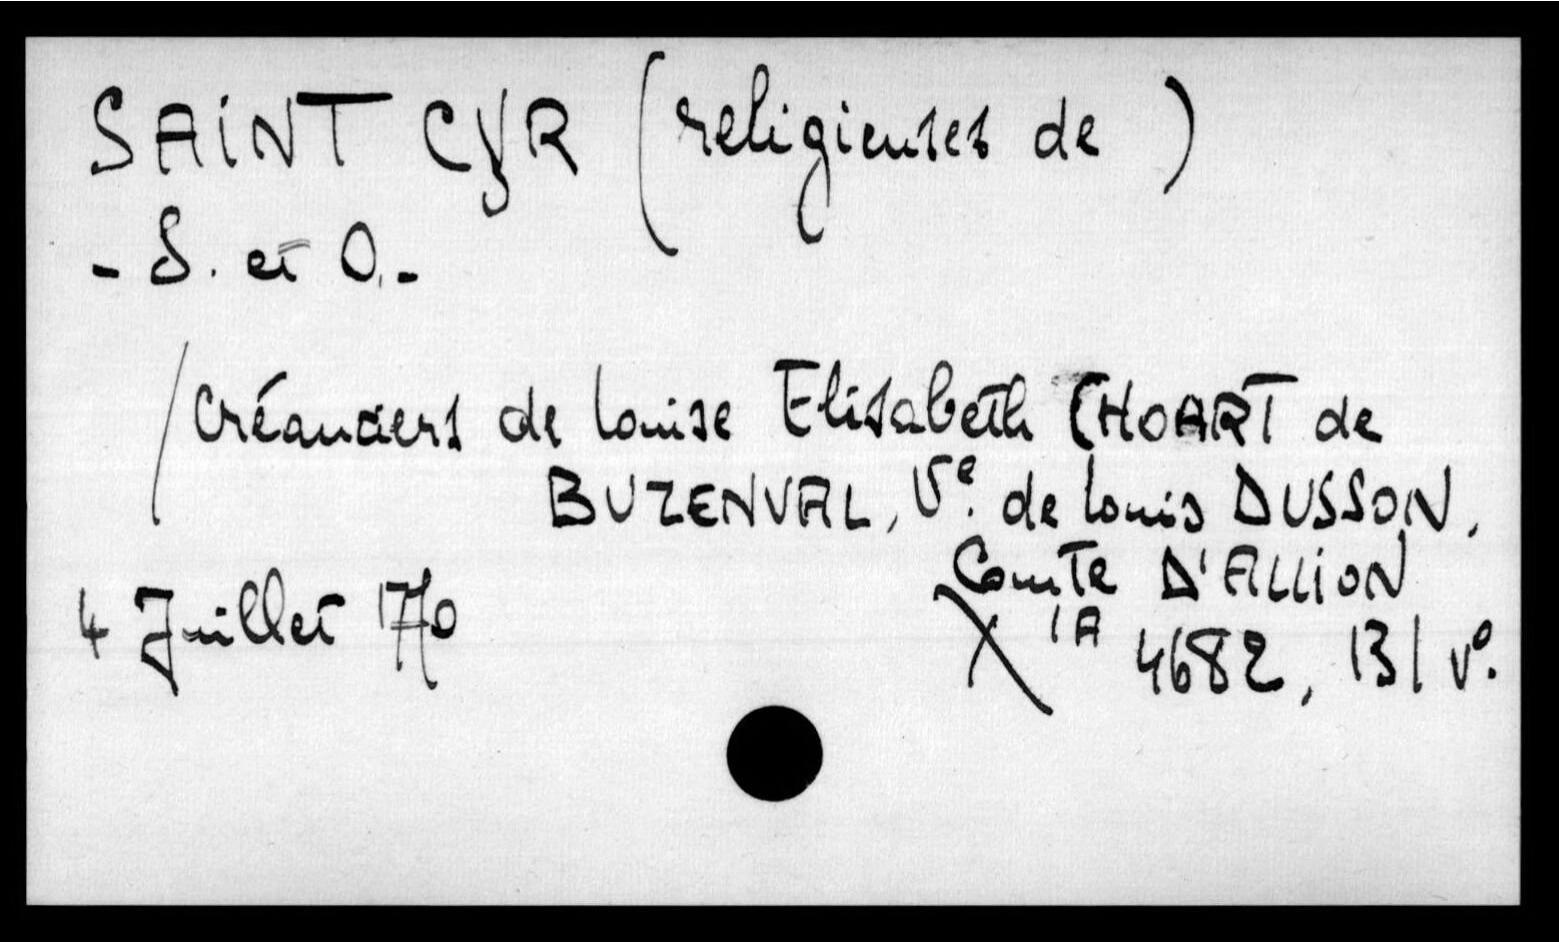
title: SAINT CYR (religieuses de) Seine-et Oise.
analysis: Contre créanciers de Louise Elisabeth CHOART de BUZENVAL, veuve de Louis DUSSON, comte d'ALLION
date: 4 juillet 1770
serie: X1A
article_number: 4682
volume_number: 131v
